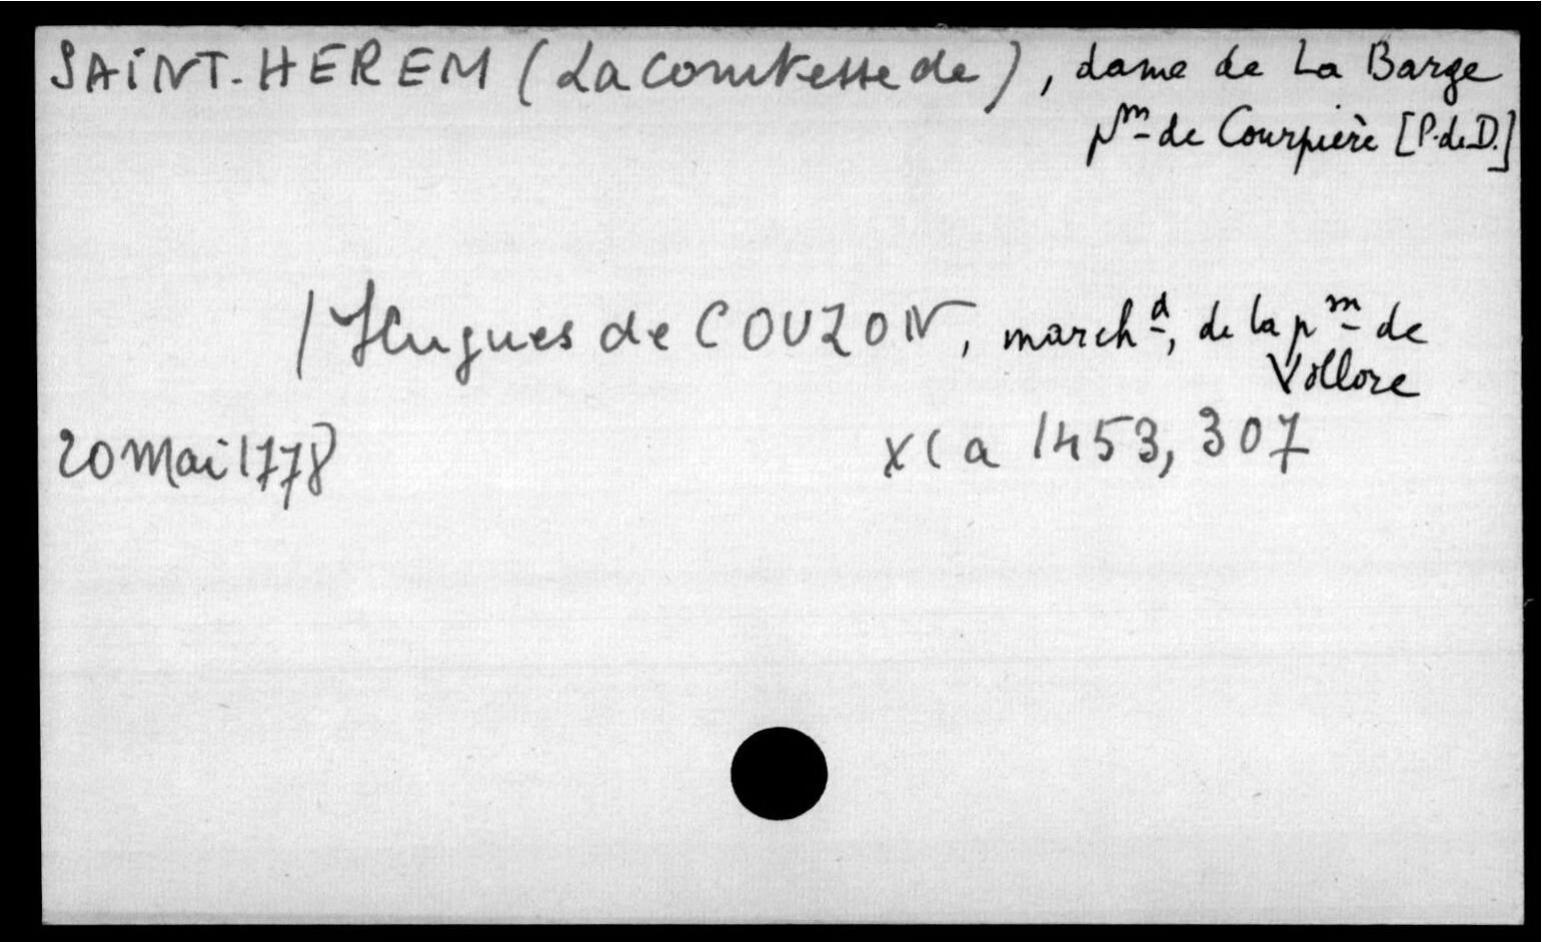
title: SAINT-HEREM (La comtesse de), dame de La Barge arrondissement de Courpière [Puy-de-Dôme]
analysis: Contre Hugues de COUZON, marchand, de la paroisse de Vollore
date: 20 mai 1778
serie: X1A
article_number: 1453
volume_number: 307
